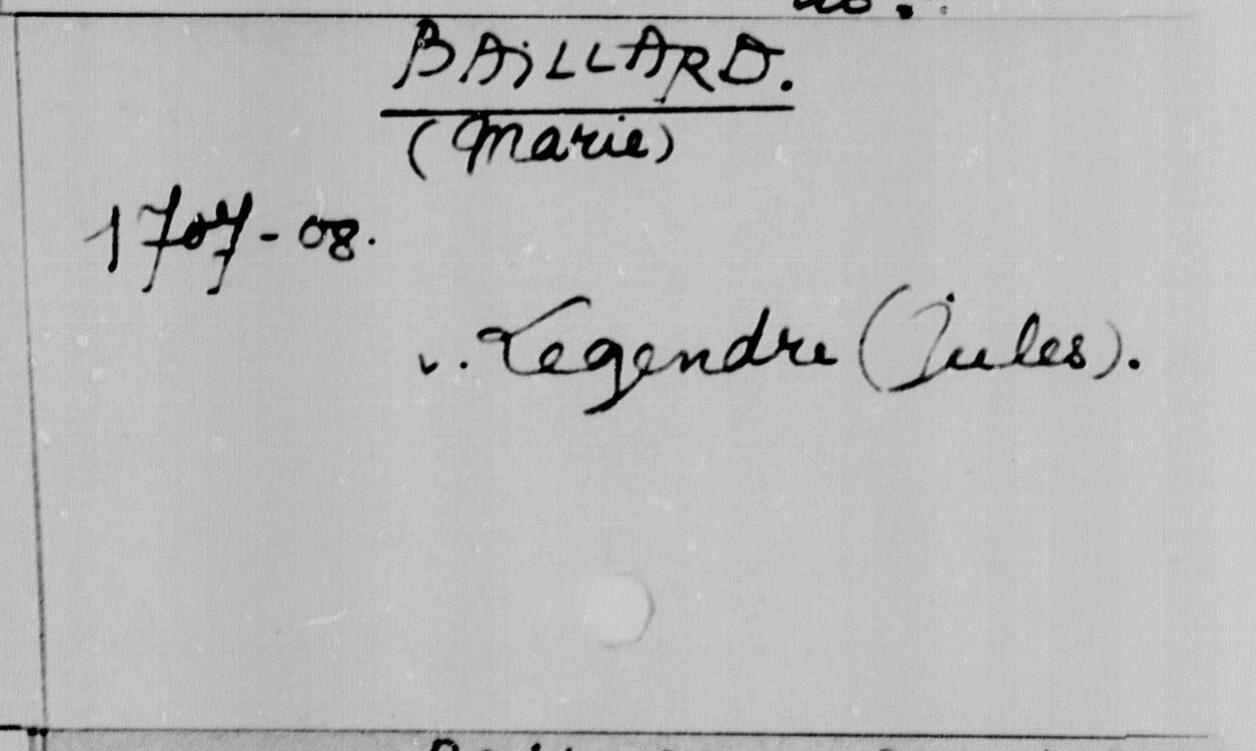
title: BAILLARD (Marie)
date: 1707-1708
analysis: Voir LEGENDRE (Jules)
